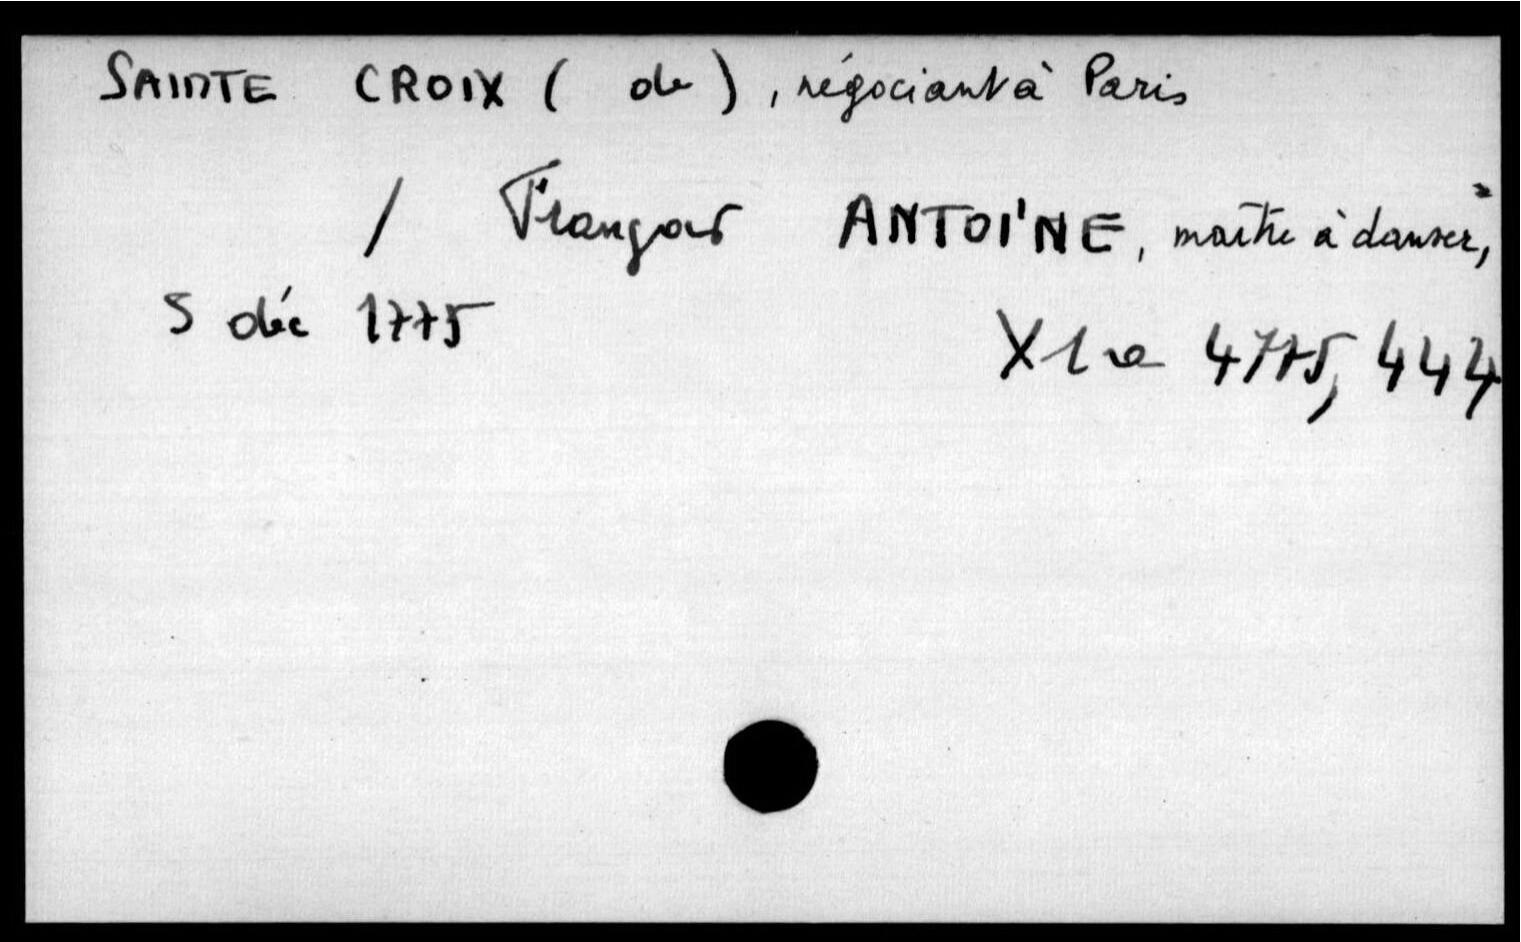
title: SAINTE CROIX (de), négociant à Paris
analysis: Contre François ANTOINE, maître à danser
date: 5 décembre 1775
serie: X1a
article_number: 4775
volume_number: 444
